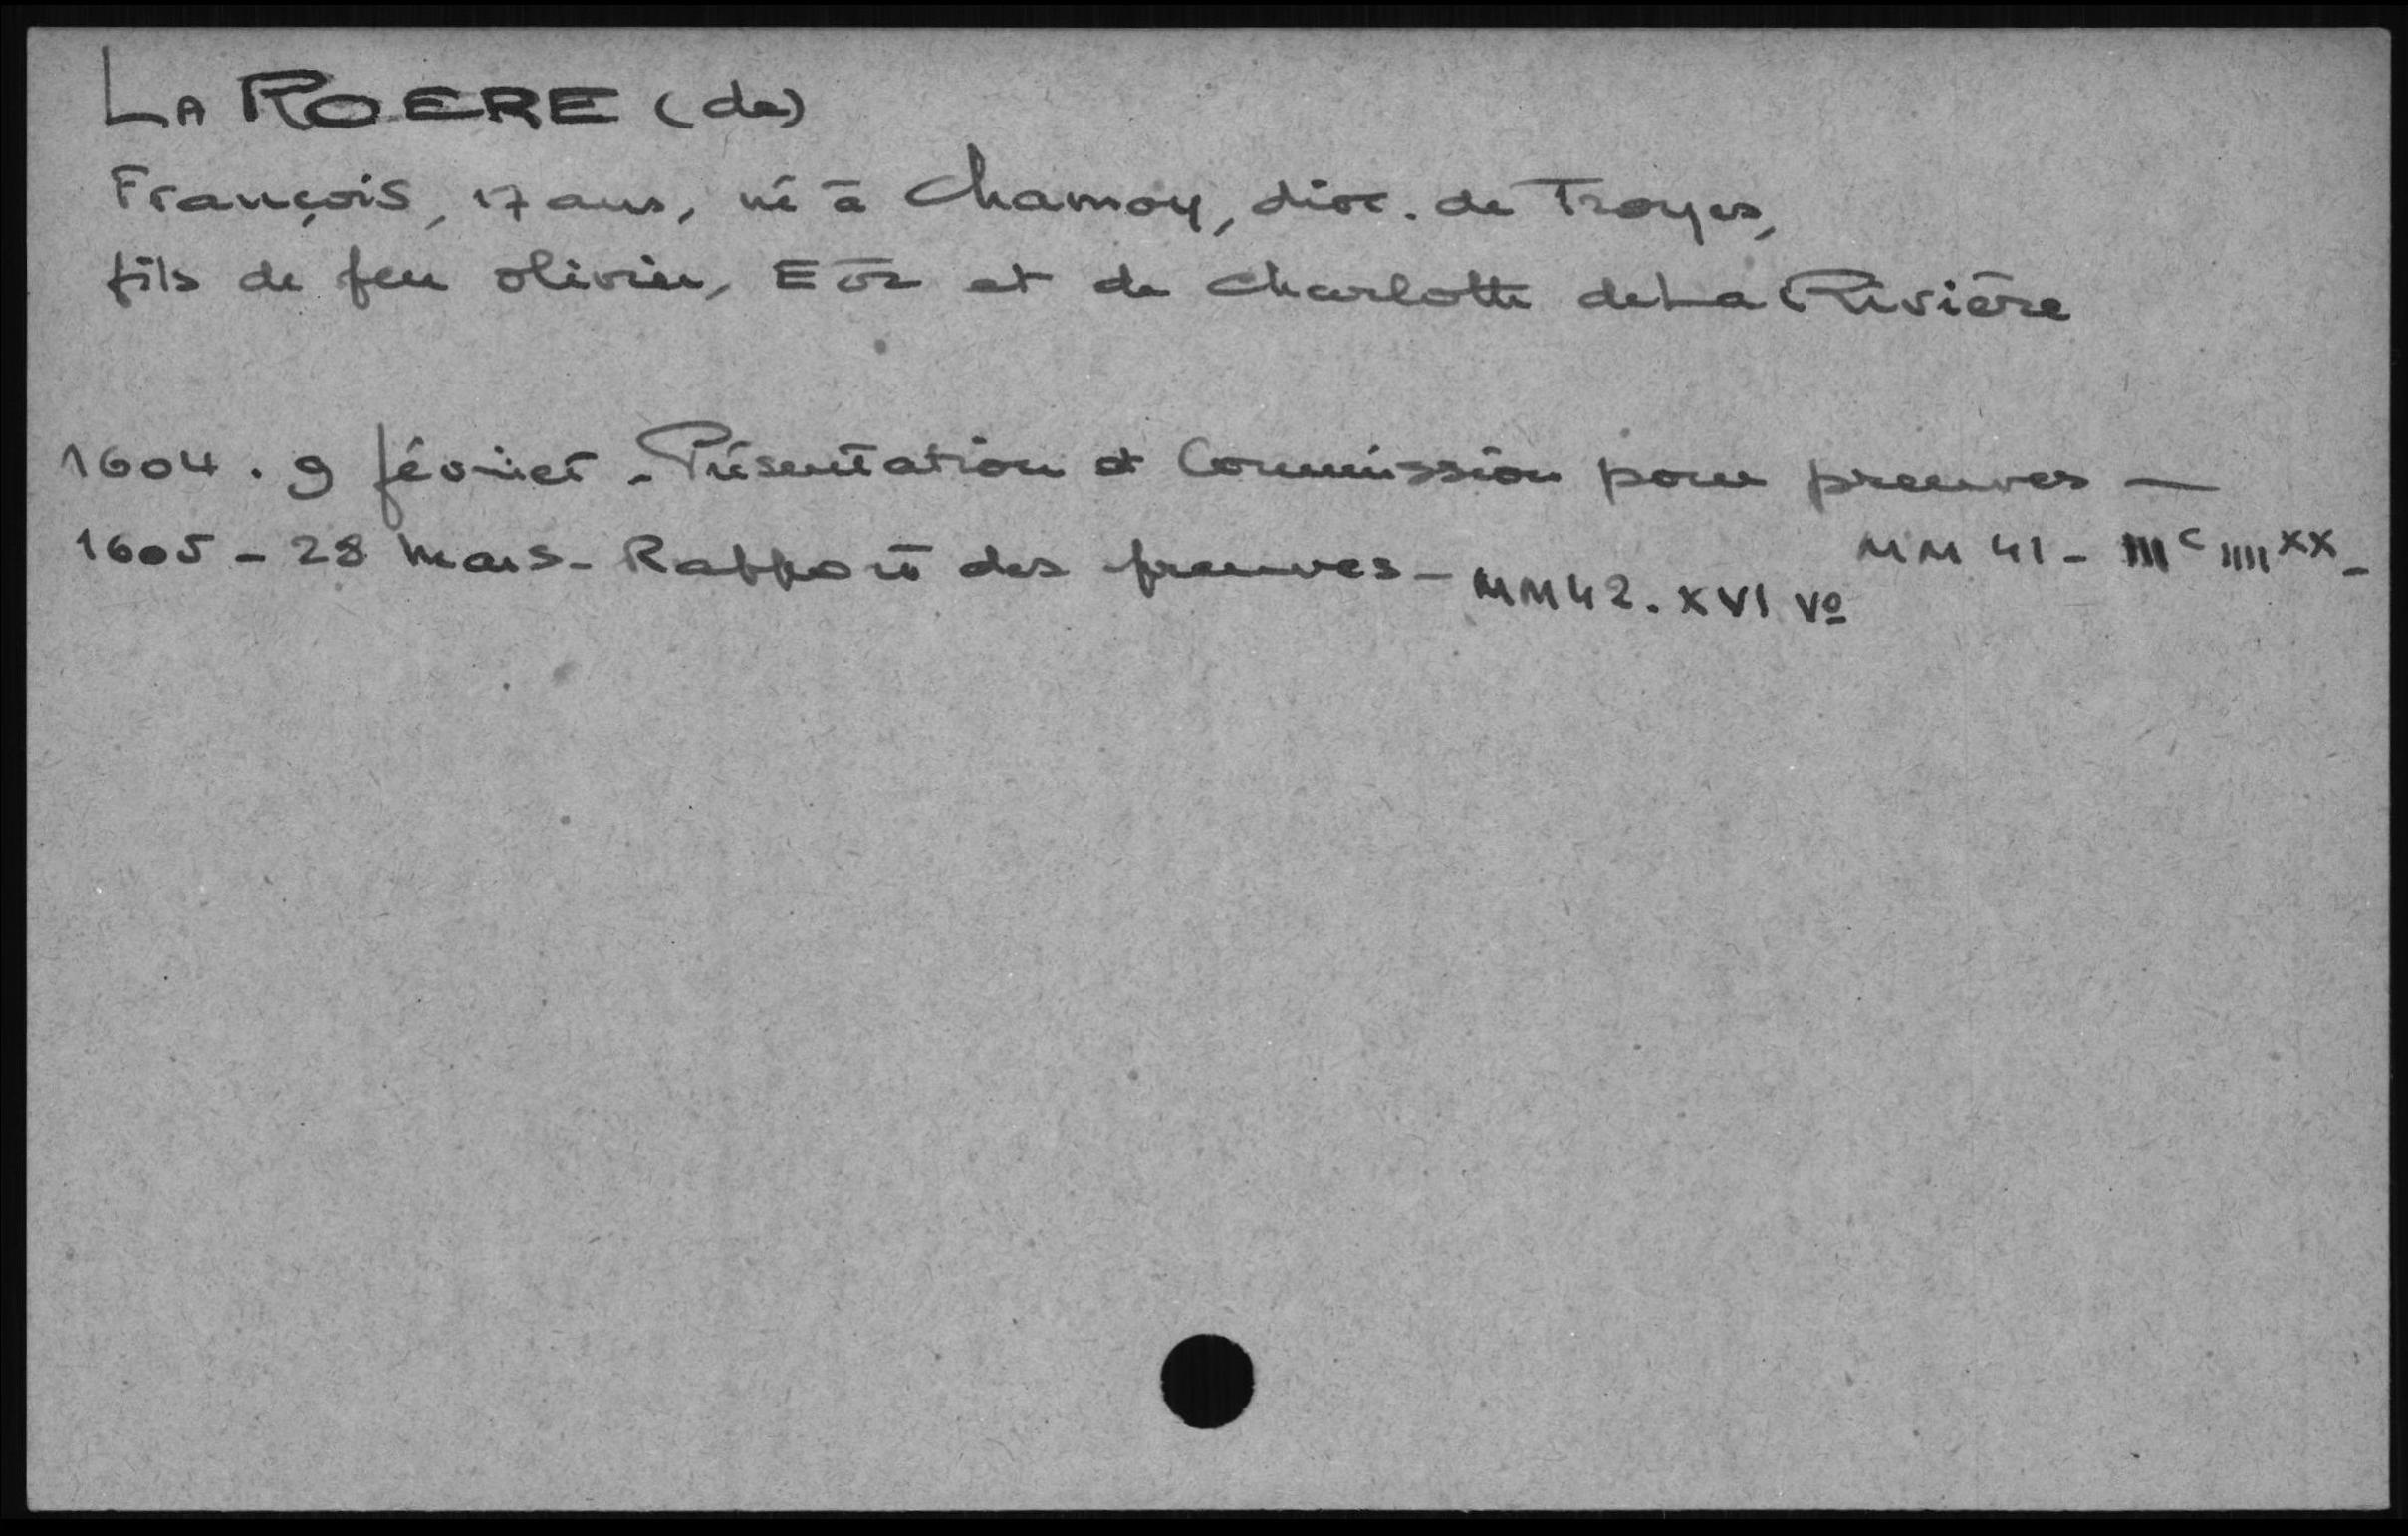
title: LA ROERE (de) François, 17 ans, né à Chamoy, diocèse de Troyes fils de feu Olivier, écuyer et de Henriette de La Rivière
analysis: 1604, 9 février. Présentation et commission pour preuves. MM 41, IIIC IIIIXX. 1605, 23 mars. Rapport des preuves. MM 42, XVIv
